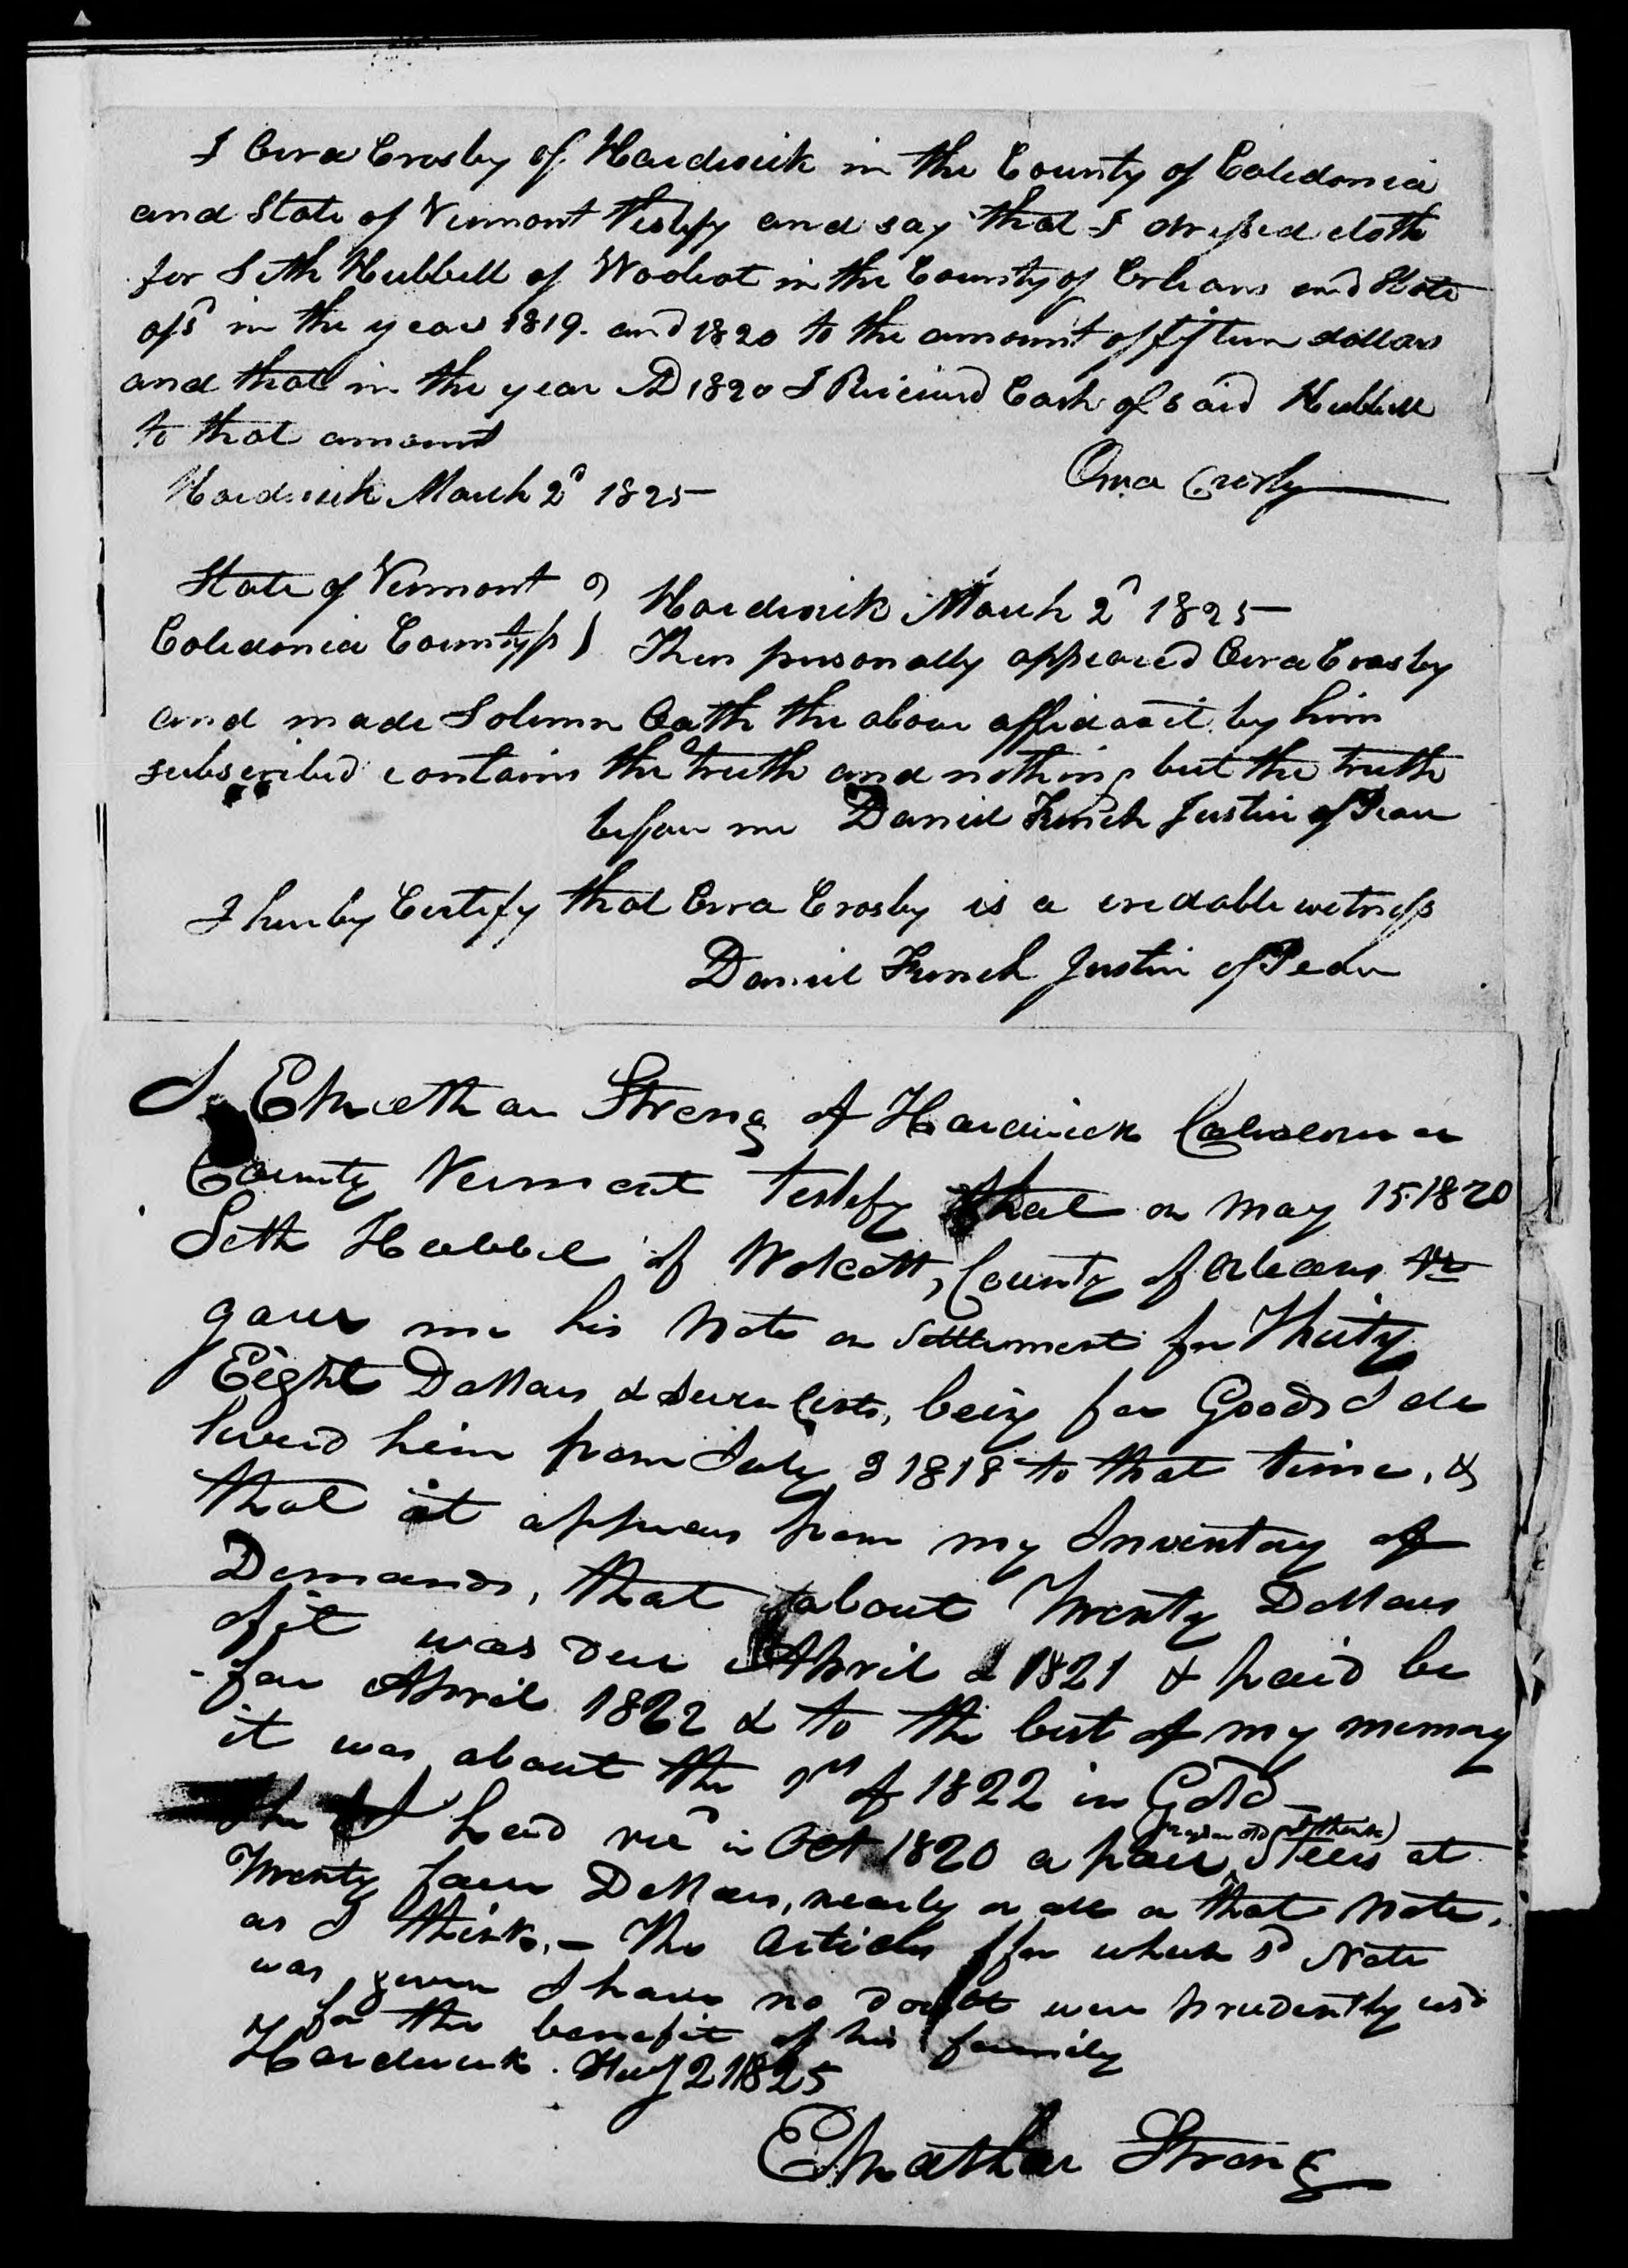I Orra Crosby of Hardwick in the County of Caledonia and State of Vermont testify and say that I [illegible] cloth for Seth Hubbell of Wolcot in the County of Orleans and State [illegible] in the year 1819 and 1820 to the amount of fifteen dollars and that in the year AD 1820 I received cash of said Hubbell to that amount. 
Orra Crosby
Hardwick March 2nd 1825

State of Vermont
Caledonia County
Hardwick March 2 1825
Then personally appeared Orra Crosby and made solemn Oath the above affidavit by him subscribed contains the truth and nothing but the truth before Daniel French Justice of Peace
I hereby certify that Orra Crosby is a credable witness
Daniel French Justice of Peace

I Elnathan Strong of Hardwick Caledonia County Vermont testify that on May 15 1820 Seth Hubbel of Wolcott, County of Orleans VT gave me his note on settlement for thirty eight dollars and [illegible] being for Goods I delivered him from July 3 1818 to that time, and it appears from my Inventory of Demands, that about Twenty Dollars of it was due April 2 1821 and paid before April 1822 and to the best of my memory it was about the [illegible] of 1822 in Gold (for as far [illegible] I think)
The I L[illegible] in Octo 1820 a pair of steers at twenty four Dollars, nearly or all on that noth. as I [illegible] - The Article for which I rate was given I have no doubt were prudently used for the benefit of his family.
Hardwick Aug 21 1825
Elnathan Strong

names: Elnathan Strong, Daniel French, Orra Crosby, Seth Hubbell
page: 105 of 114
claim: widow's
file: W. 2115, Seth Hubbell, Conn.